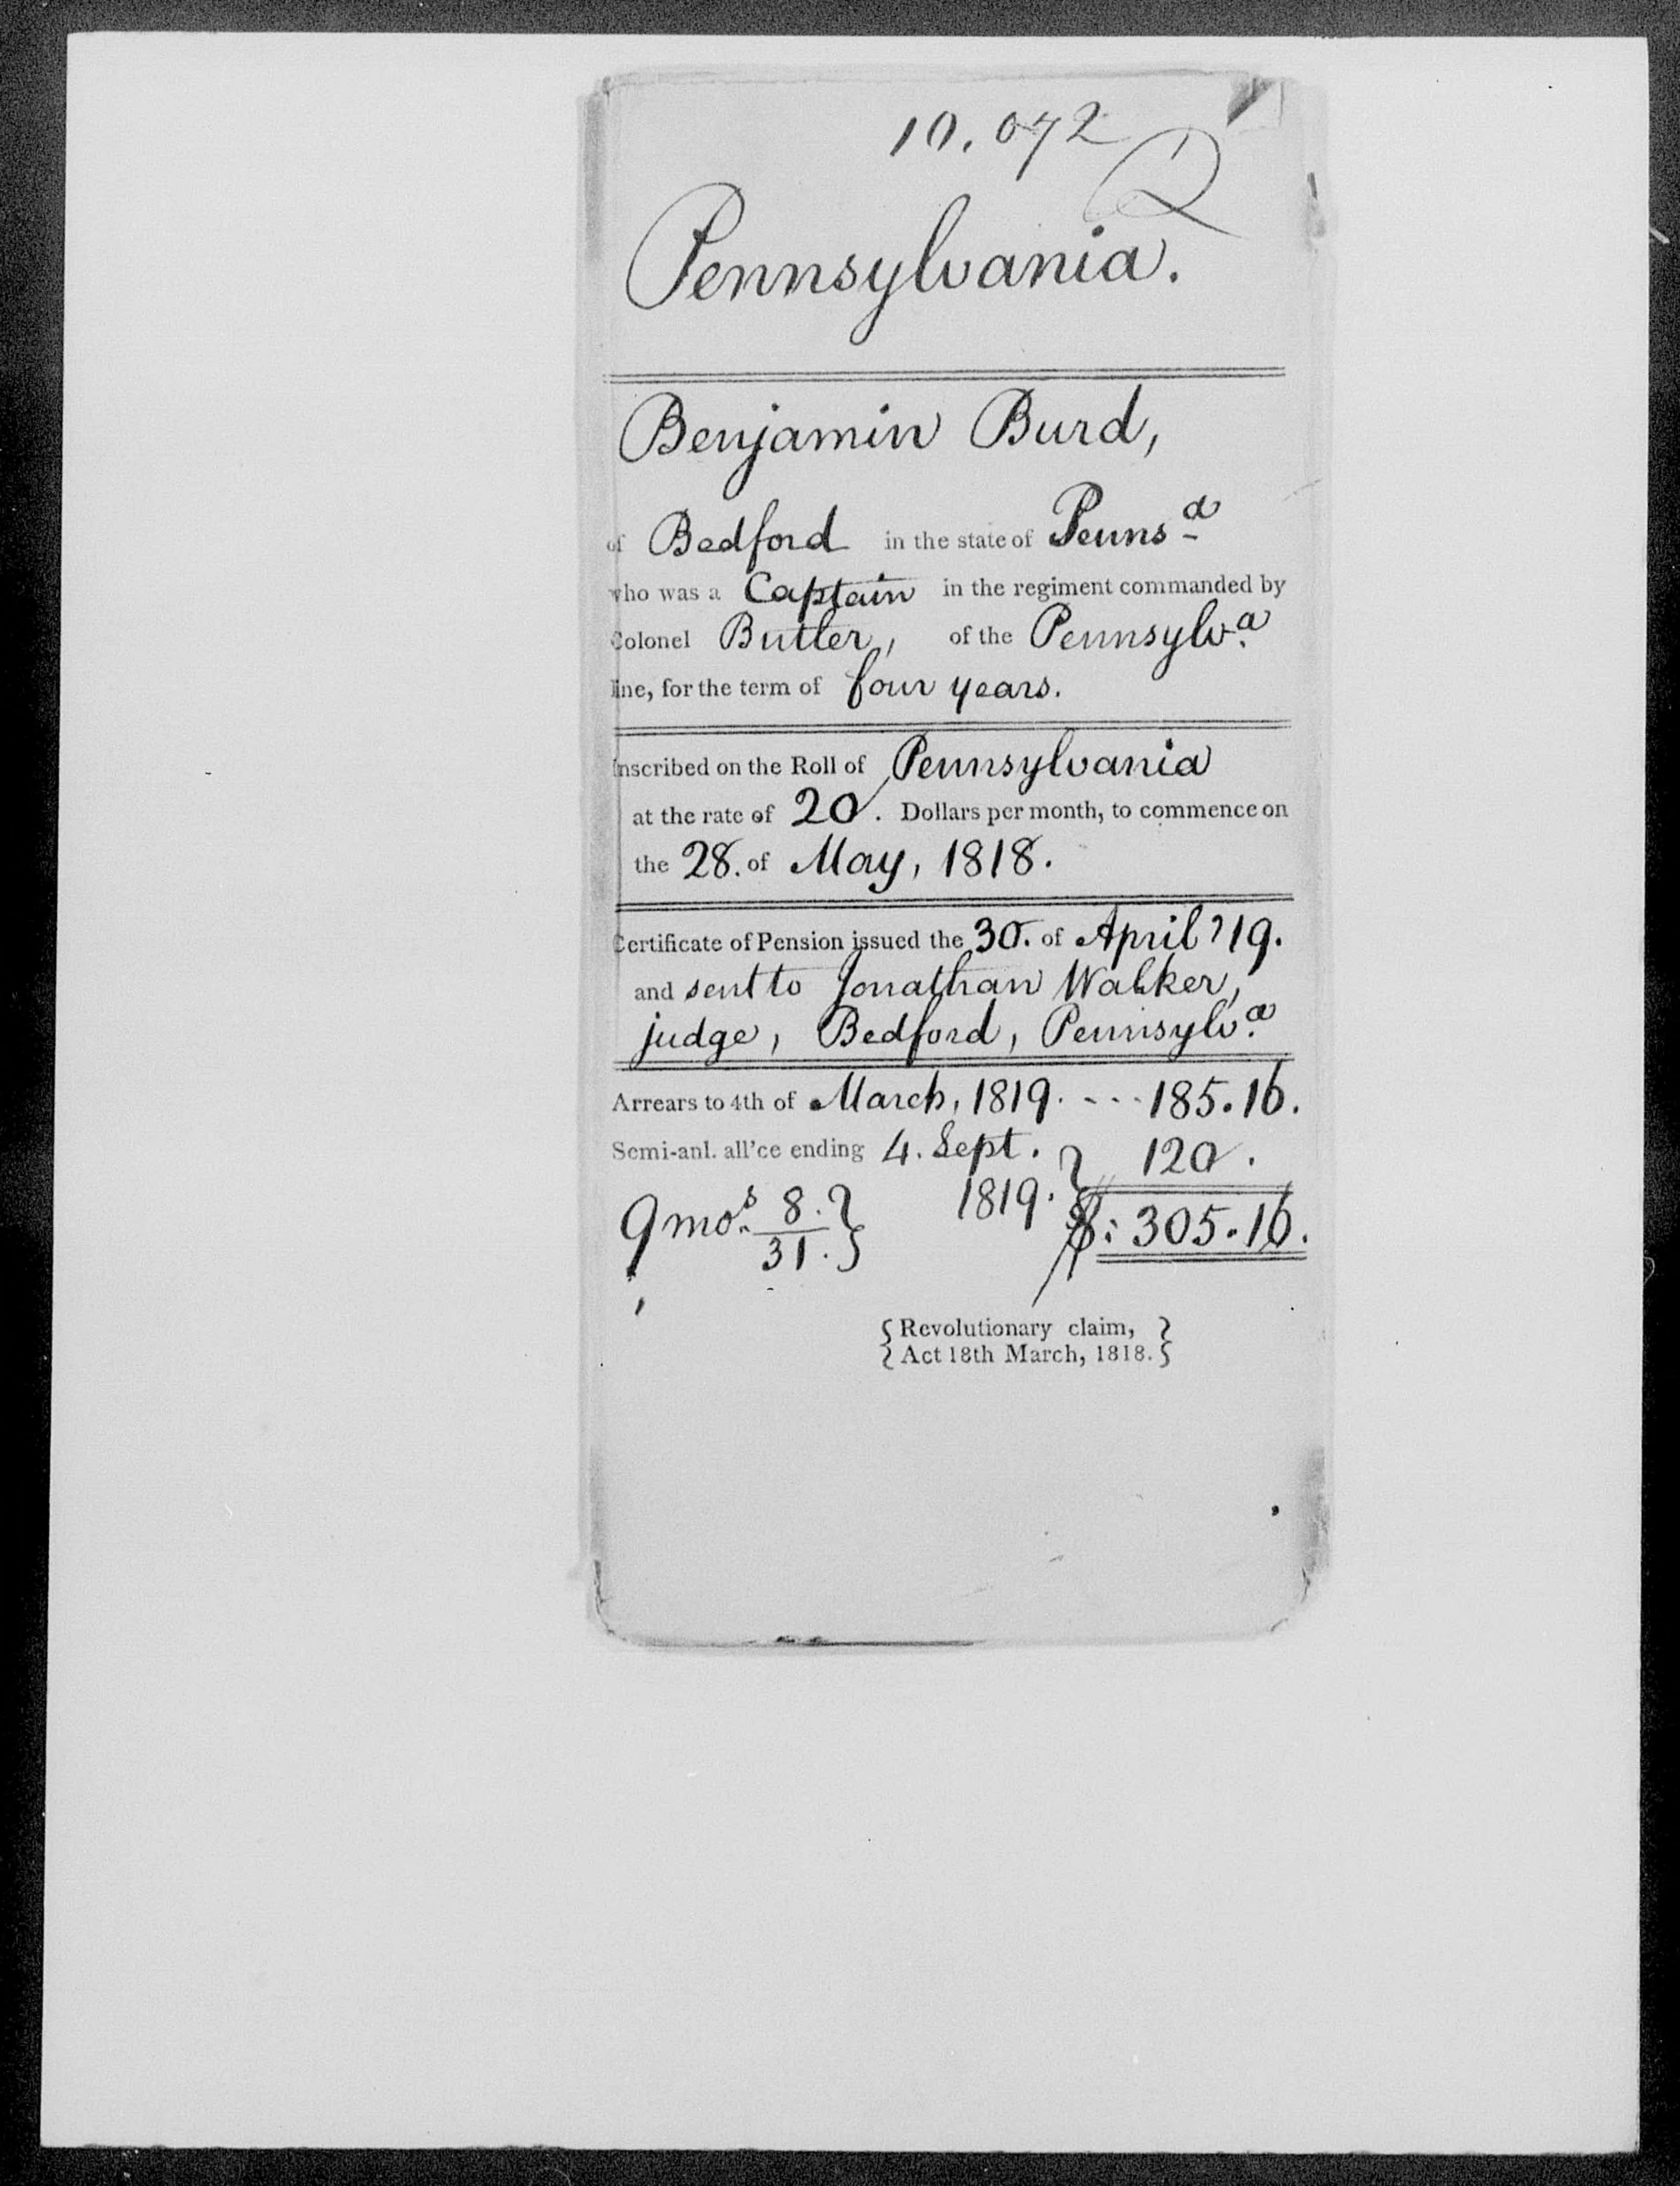10.072
Pennsylvania
=============
Benjamin Burd,
of Beford in the state of Penns'd
who was a Captain in the regiment commanded by
Colonel Butler, of the Pennsylv'a
line, for the term of four years.
================
Inscribed on the Roll of Pennsylvania
at the rate of 20. Dollars per month to commence on
the 28 of Mary 1818
=====================
Certificate of Pension issued the 30 of April 19
and sent to Jonathan Walker,
judge, Bedford, Pennsylv'a
======================
Arrears to 4th of March 1819.........185.16
Semi-anl. all'ce ending 4 Sept........120.
====================
9 mo's 8/31}  $305.16
=====================
{Revolutionary claim,
Act 18th March 1818}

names: Butler, Jonathan Walker, Benjamin Burd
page: 2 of 14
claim: survivor's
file: S. 40,788, Benjamin Burd, Penn.